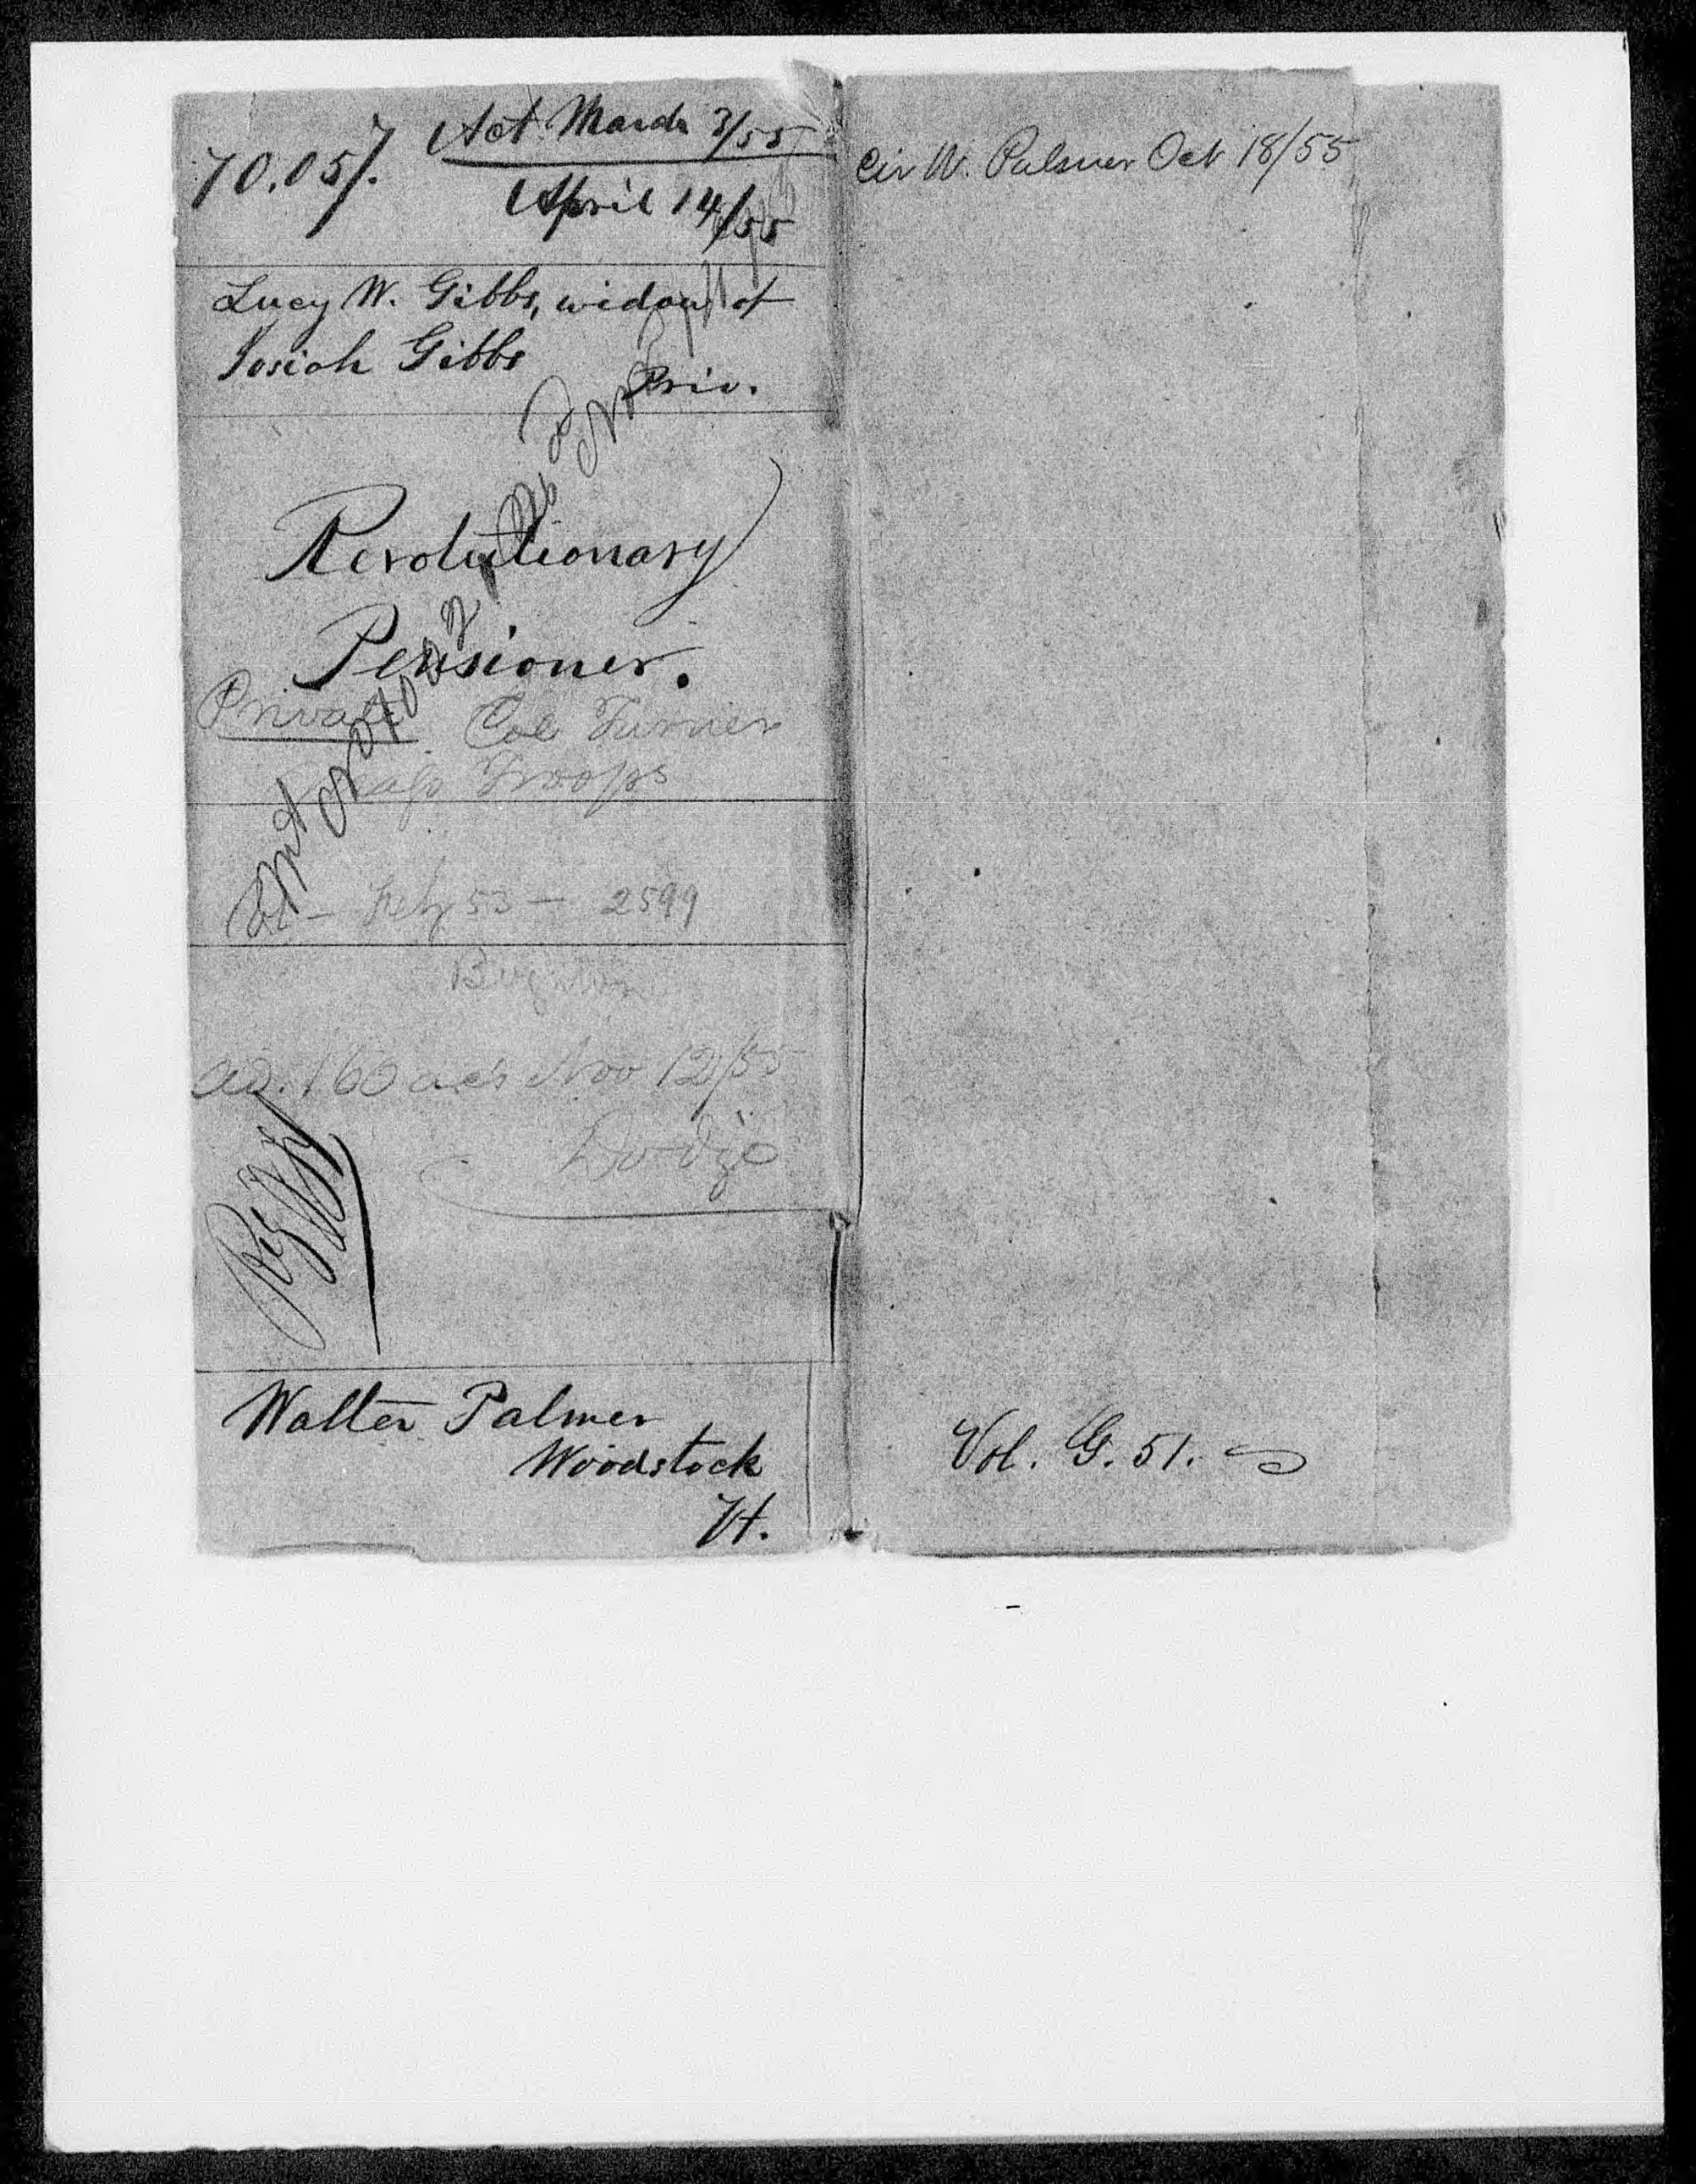70.05
Act March 3/55/55
April 14
Lucy W. Gibbs, widow of
Josiah Gibbs
Pri

REVOLUTIONARY PENSIONER
Private  Col Turners Mass Troops
Vt - Feby 53 - 2599
Boynton
W.160 ach Nov 12/55
Dodge

Walter Palmer
Woodstock Vt
..............................
Cir W Palmer Oct 18/55
Vol. G.51.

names: W Palmer, Josiah Gibbs, Boynton, Walter Palmer, Turner, Lucy W Gibbs, Dodge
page: 4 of 33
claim: widow's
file: W. 4681, Josiah Gibbs, Mass